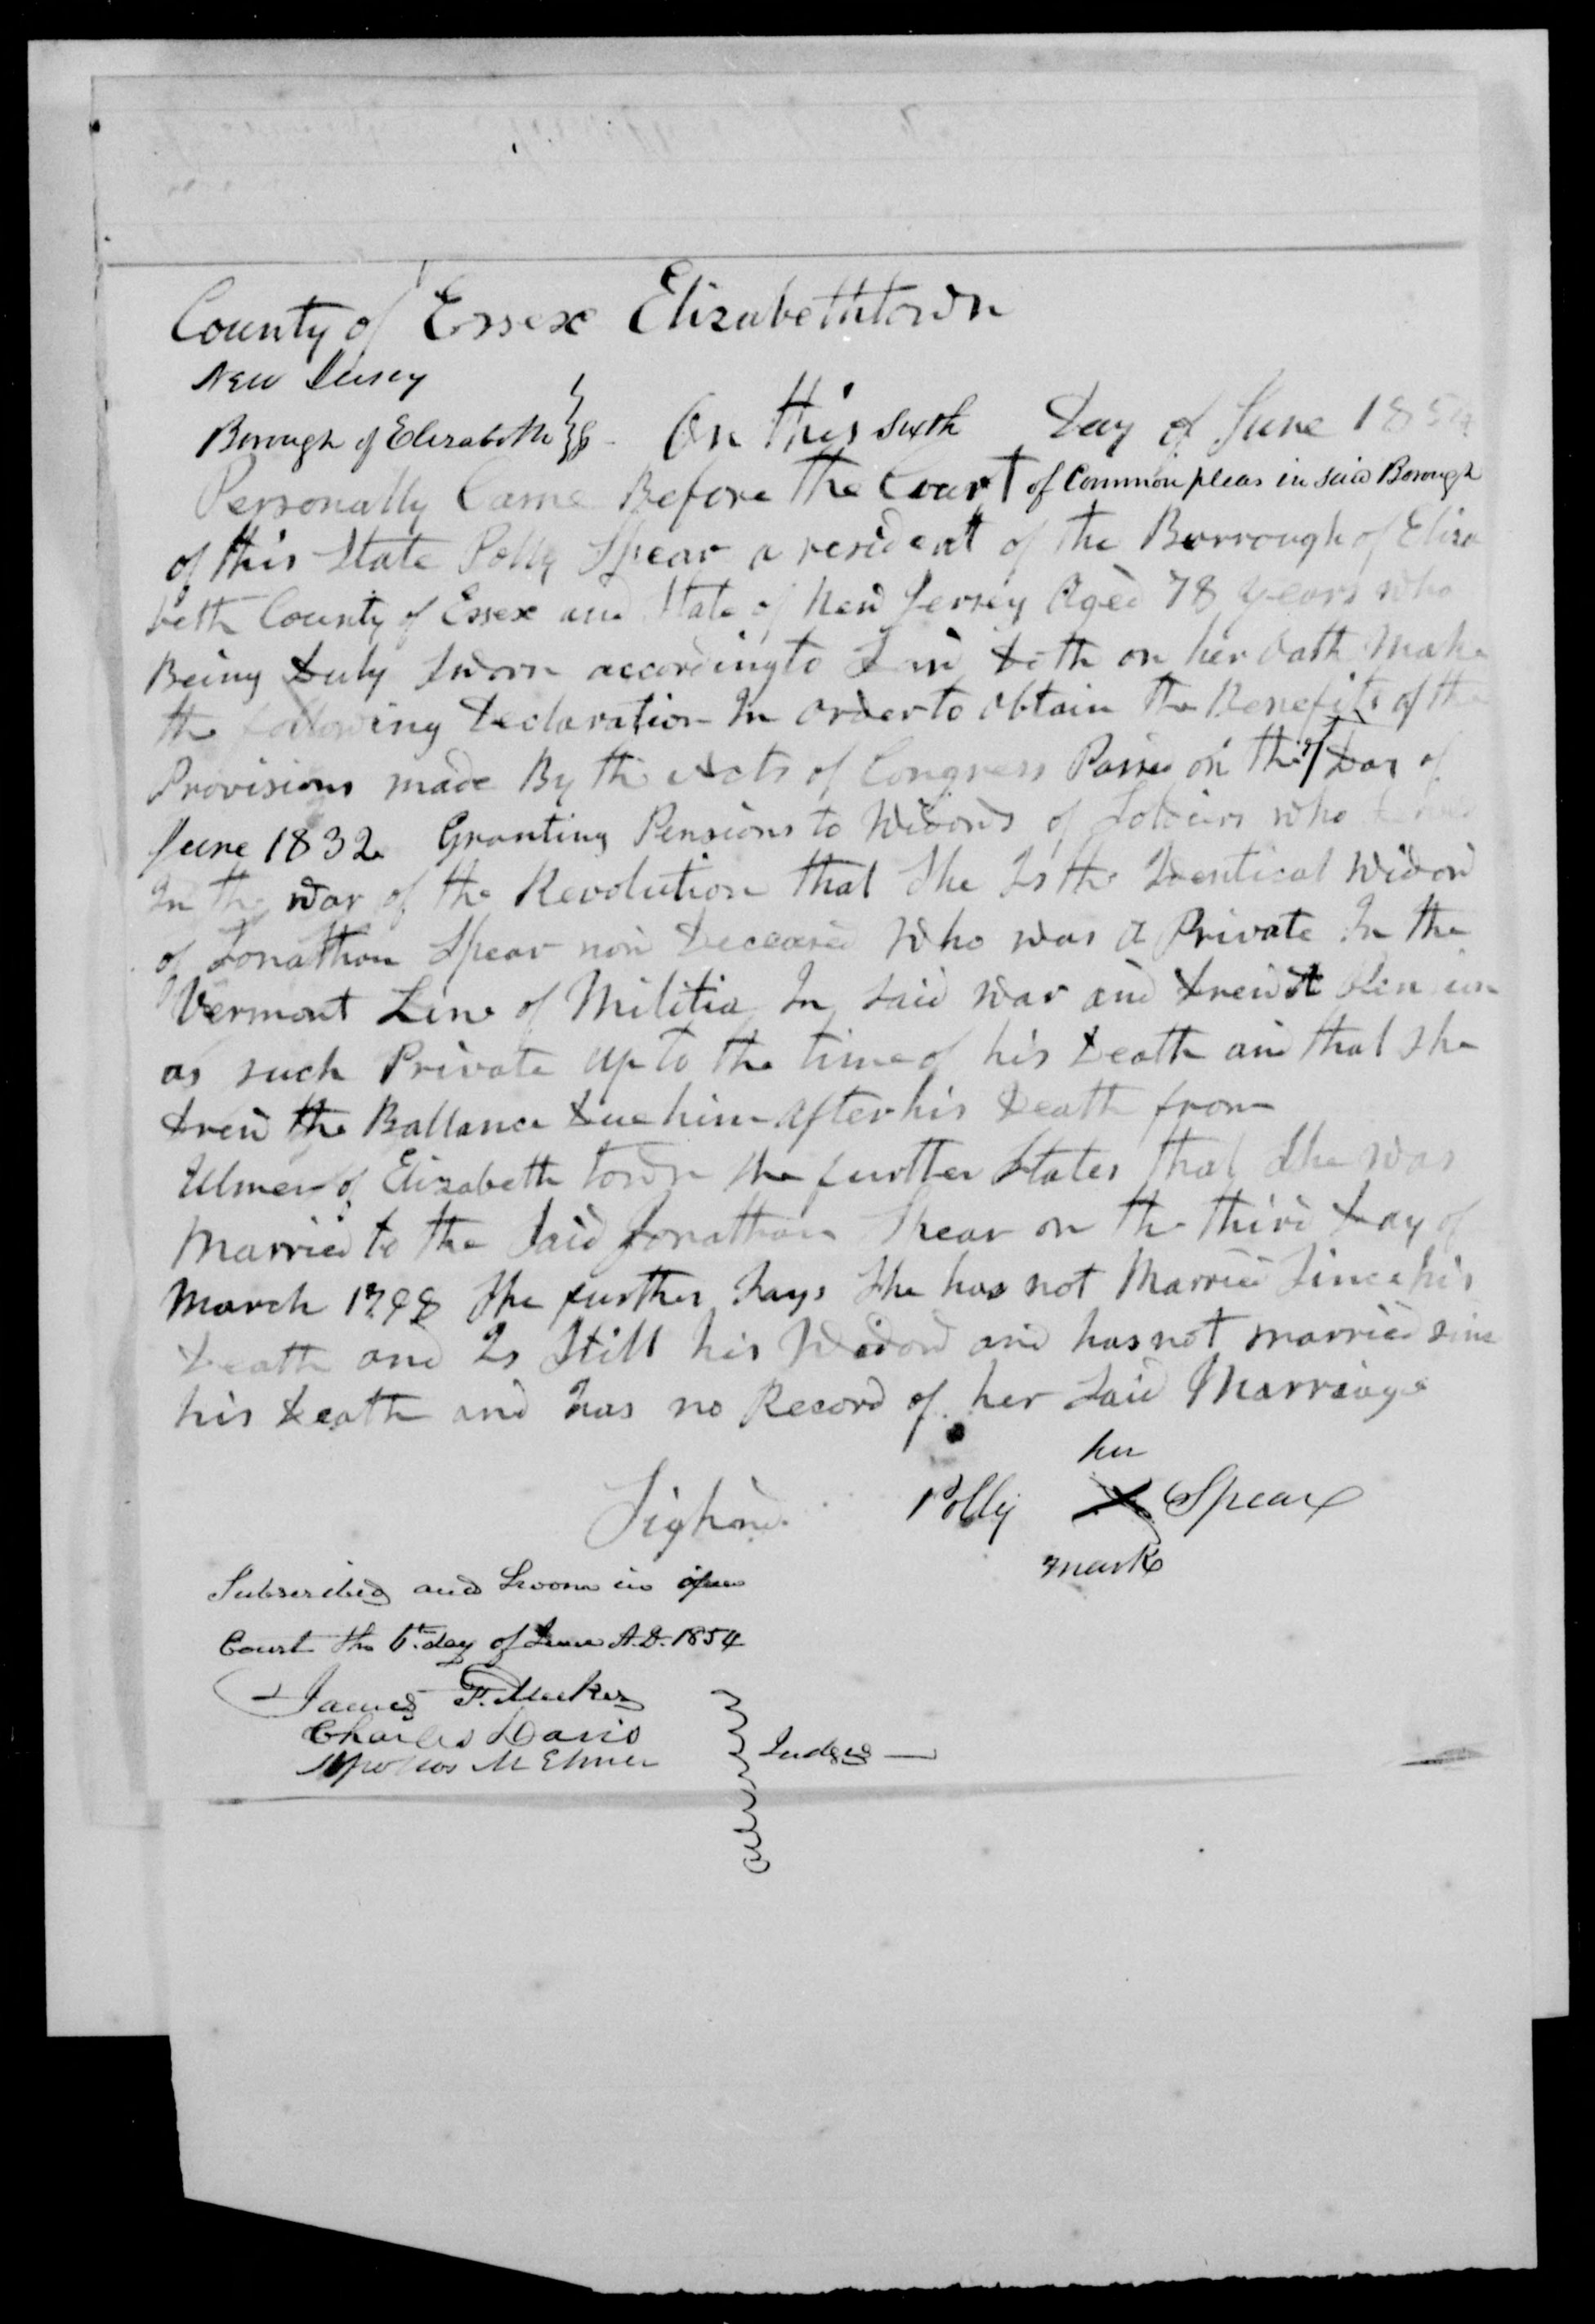County of Elisabethtown
New Jersey 
Borough of Elisabeth} ss. On this sixth Day of June 1854 Personally Came Before the Court of Common pleas in said Borough of this State Polly Spear a resident of the Burrough of Elisabeth County of Essex and State of New Jersey Aged 78 years who Being Duly Sworn according to Law & Doth on her oath make the following Declaration In order to obtain the Benefit of the Provisions made By the Acts of Congress Passed on the 7th day of June 1832 Granting Pensions to Widows of Soldiers who served In the war of the Revolution that She Is the Identical widow of Jonathan Spear now Deceased who was a Private In the Vermont Line of Militia In said war and drew A Pension as such Private up to the tie of his Death and that she Drew the Ballance Due him after his Death from Ulmer of Elizabeth town she further states that She was married to the Said Jonathan Spear on the third day of March 1798 She further says that she has not married Since his Death and Is Still his Widow and has not married since his death and has no Record of her said Marriage
Signed/s/X her mark Polly Spear
Subscribed and Sworn in open Court the 6th day of June A.D. 1854 
/s/James P. Meeker }
/s/Charles Davis } Judges
/s/Apollos M Elmer }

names: Apollos M Elmer; Jonathan Spear; Charles Davis; James F Meeker; Jonathan Spear; Polly Spear; Polly Spear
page: 60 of 65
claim: widow's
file: W. 7197, for Jonathan Spear, Vermont